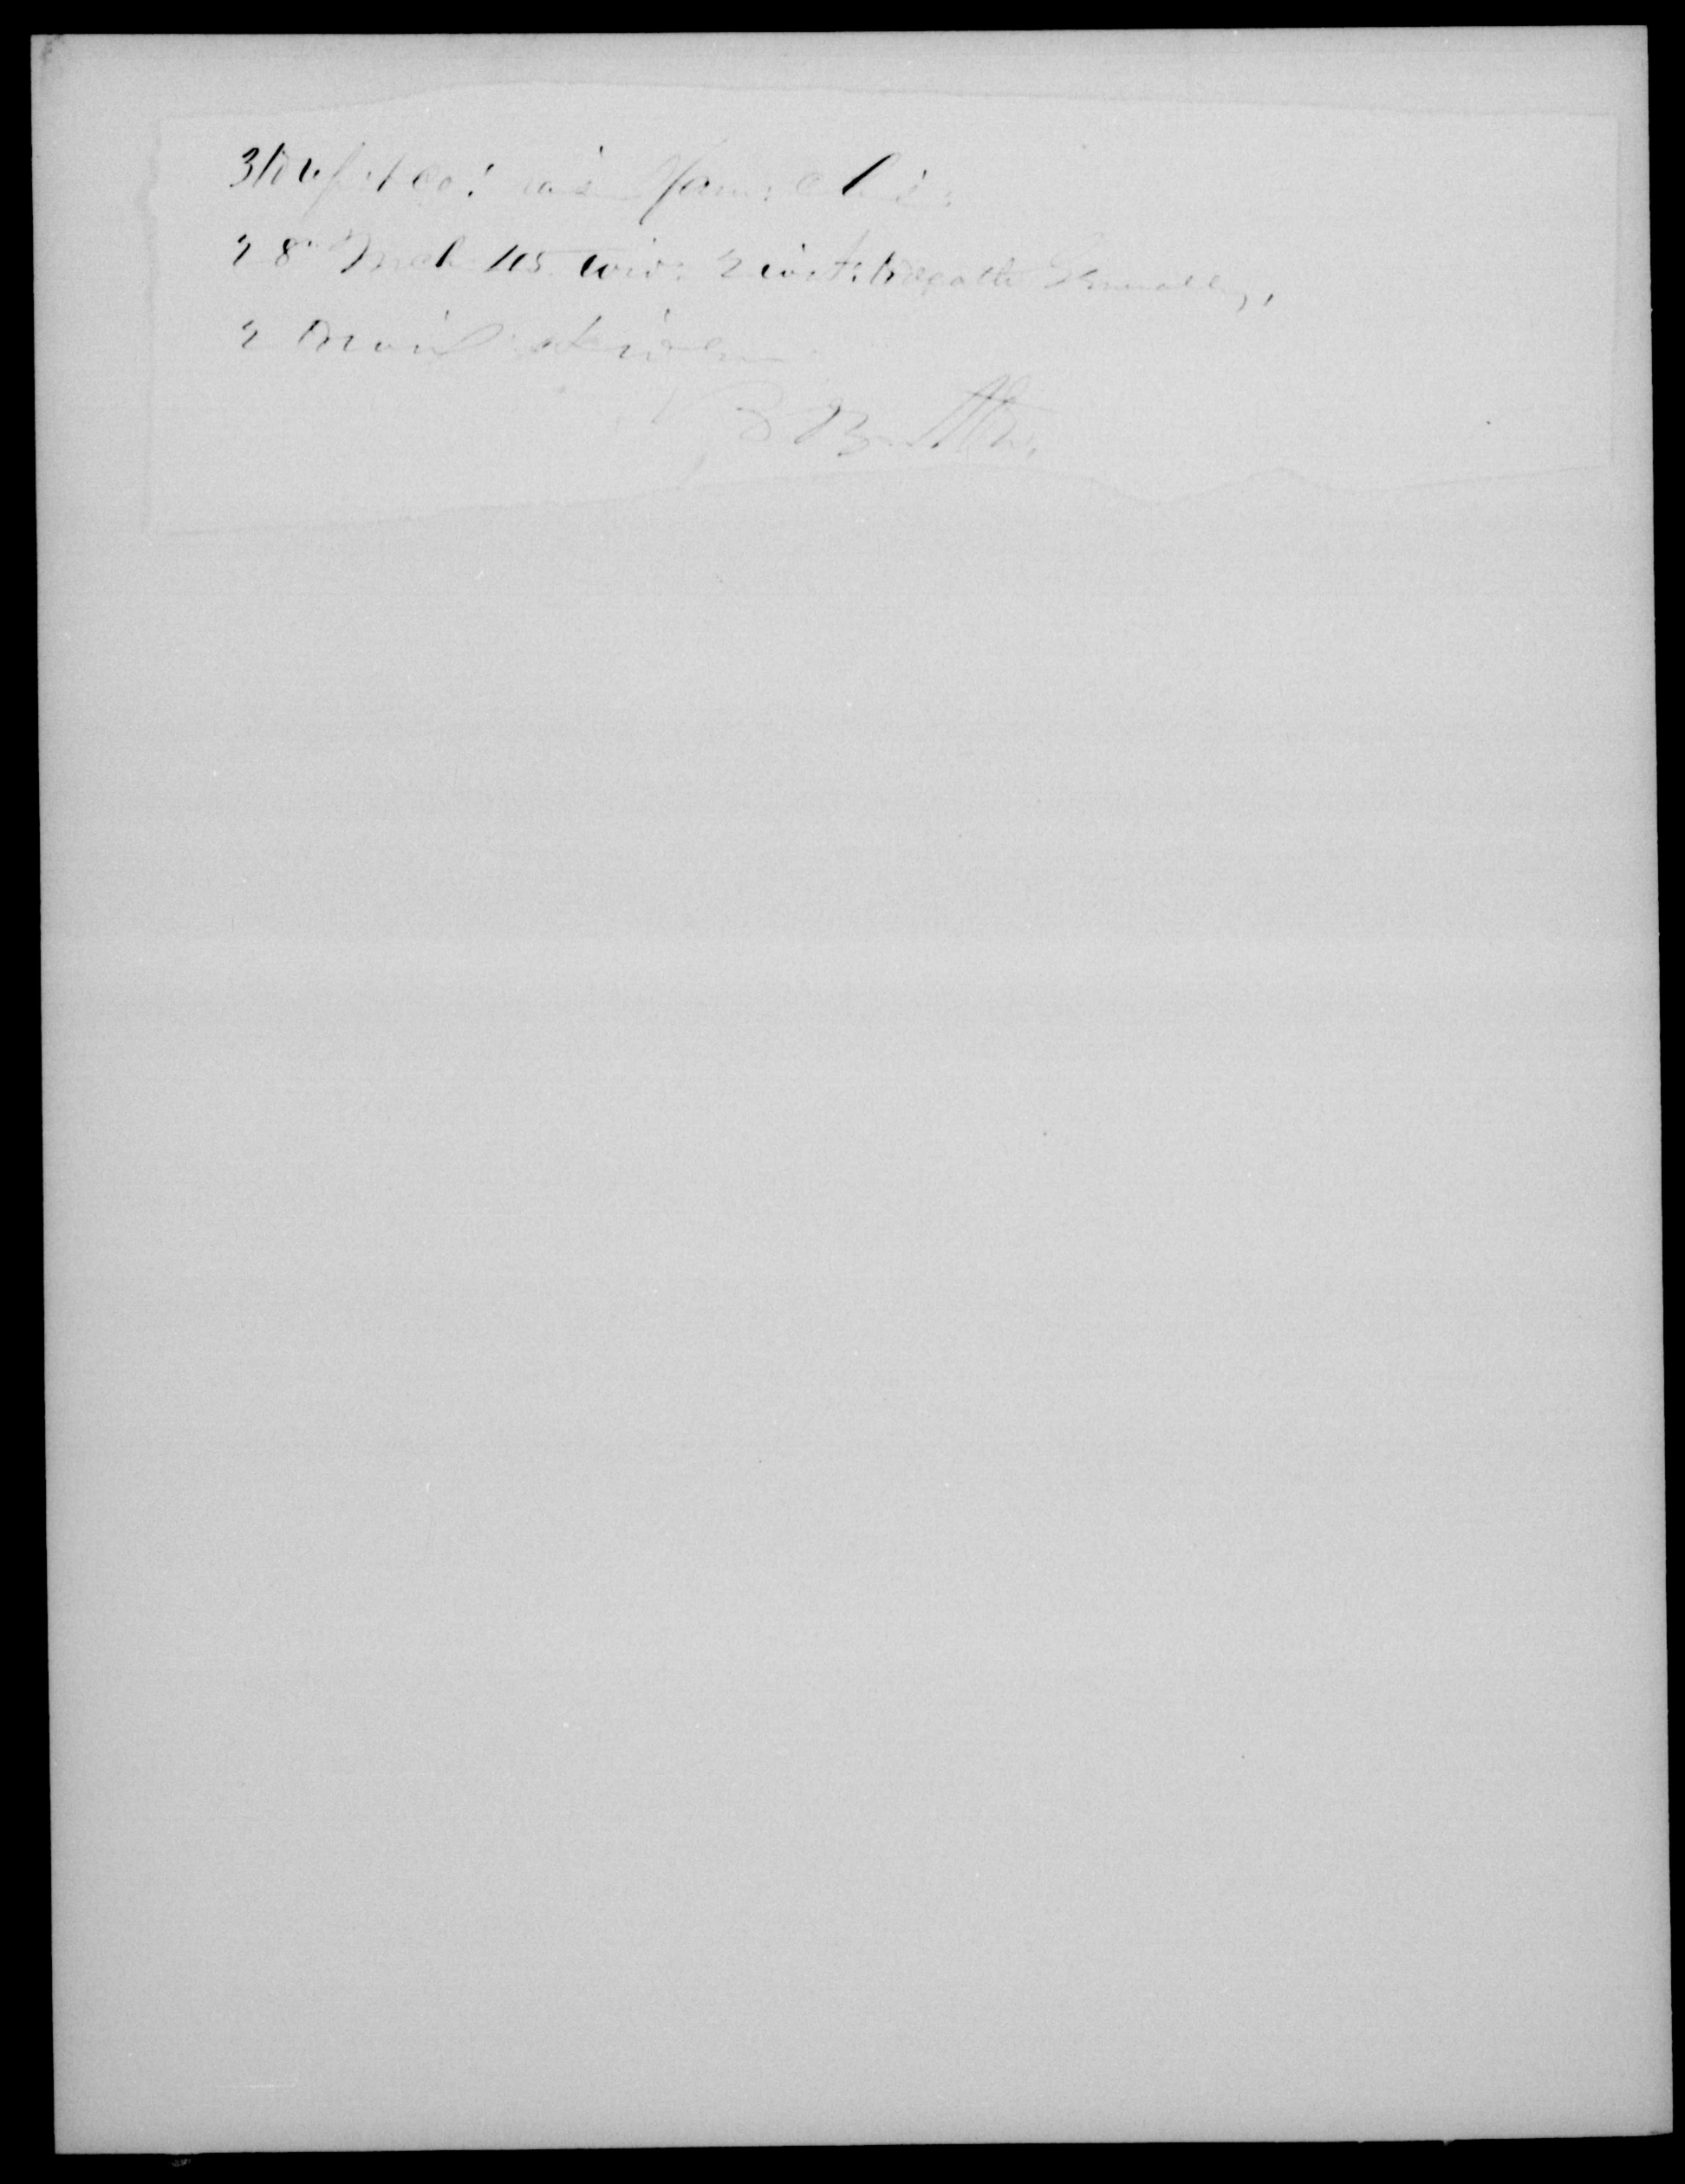[Very lightly written and hard to read]

3ntoreftco:[?] as form: cbs:
2 8th Mch 45 wid: 2 wit:repath[?] Genatly,[?]
2 non’l[?\ given

B Brittn,[?]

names: [BLANK]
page: 44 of 61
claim: widow's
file: W. 11554, for John Stafford, Maryland